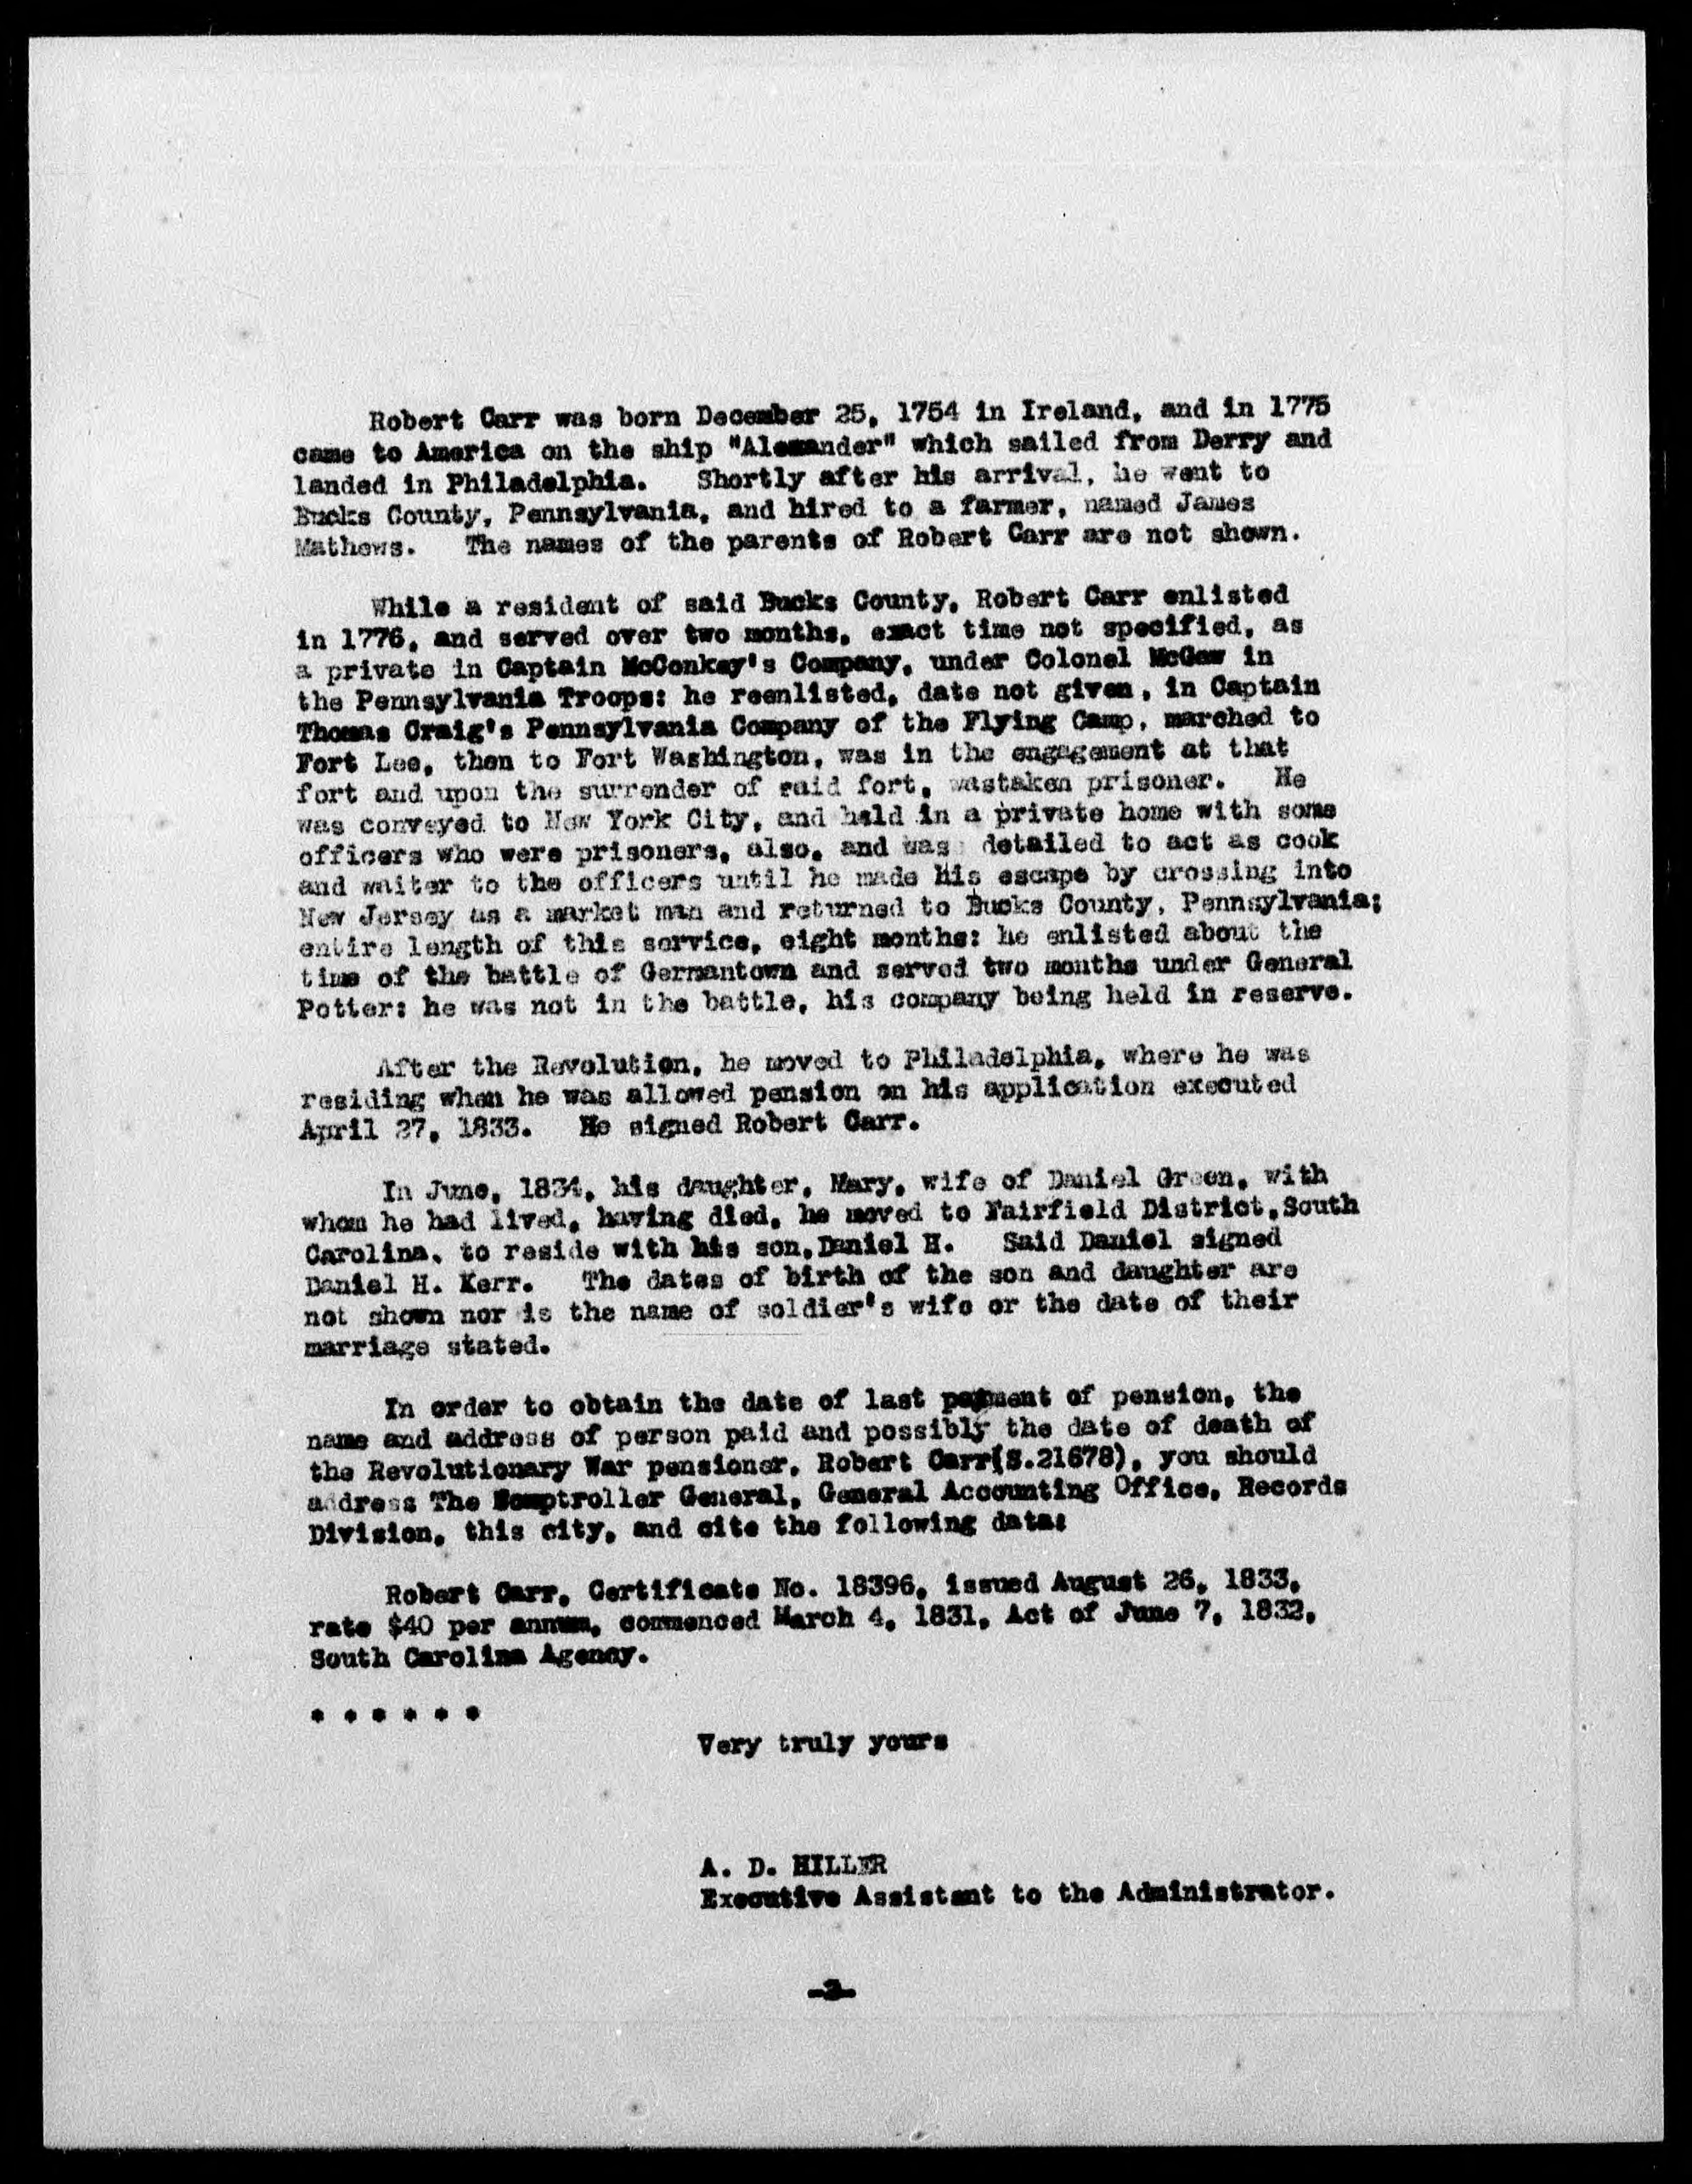[typed]

Robert Carr was born December 25, 1754 in Ireland, and in 1775 came to America on the shup "Alexander" which sailed from Derry and landed in Philadelphia. Shortly after his arrival, he went to Bracks County, Pennsylvania, and hired to a farmer, named James Mathews. The names of the parents of Robert Carr are not shown.

While a resident of said Bucks County, Robert Carr enlisted in 1776, and served over two months, exact time not specified, as a private in Captain McConkey's Company, under Colonel McGaw in the Pennsylvania Troops: he reenlisted, date not given, in Captain Thomas Caraig's Pennsylvania Company of the Flying Camp, marched to Fort Lee, then to Fort Washington, was in the engagement at that fort and upon the surrender of raid fort, was taken prisoner. He was conveyed to New York City, and held in a private home with some officers who were prisoners, also, and was detailed to act as cook and waiter to the officers until he made his escape by crossing into New Jersey as a market man and returned to Bucks County, Pennsylvania: entire length of this service, eight months: he enlisted about the time of the battle of Germantown and served two months under General Potiers: he was not in the battle, his company being held in reserve.

After the Revolution, he moved to Philadelphia, where he was residing when he was allowed pension on his application executed April 27, 1833. He signed Robert Carr.

In June, 1834, his daughter, Mary, wife of Daniel Green, with when he had lived, having died, he moved to Fairfield District, South Carolina. to reside with his son. Daniel H. Said Daniel signed Daniel H. Kerr. The dates of birth of the son and daughter are not shown nor is the names of soldier's wife or the date of their marriage stated.

In order to obtain the date of last [illegible] of pension, the name and address of person paid and possibly the date of death of Revolutionary War pensioner. Robert Carr (S. 21678), you should address the Comptroller General, General Accounting Office, Records Division, this city, and cite the following dates:

Robert Carr, Certificate No. 18396. Issued August 26, 1833, rate $40 per annum, commenced March 4, 1831. Act of June, 7 1832, South Carolina Agency.

* * * * * * 
Very truly yours

A.D. HILLER
Executive Assistant to the Administrator.

[illegible symbol]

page: 6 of 6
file: for Joseph Kerr, North Carolina